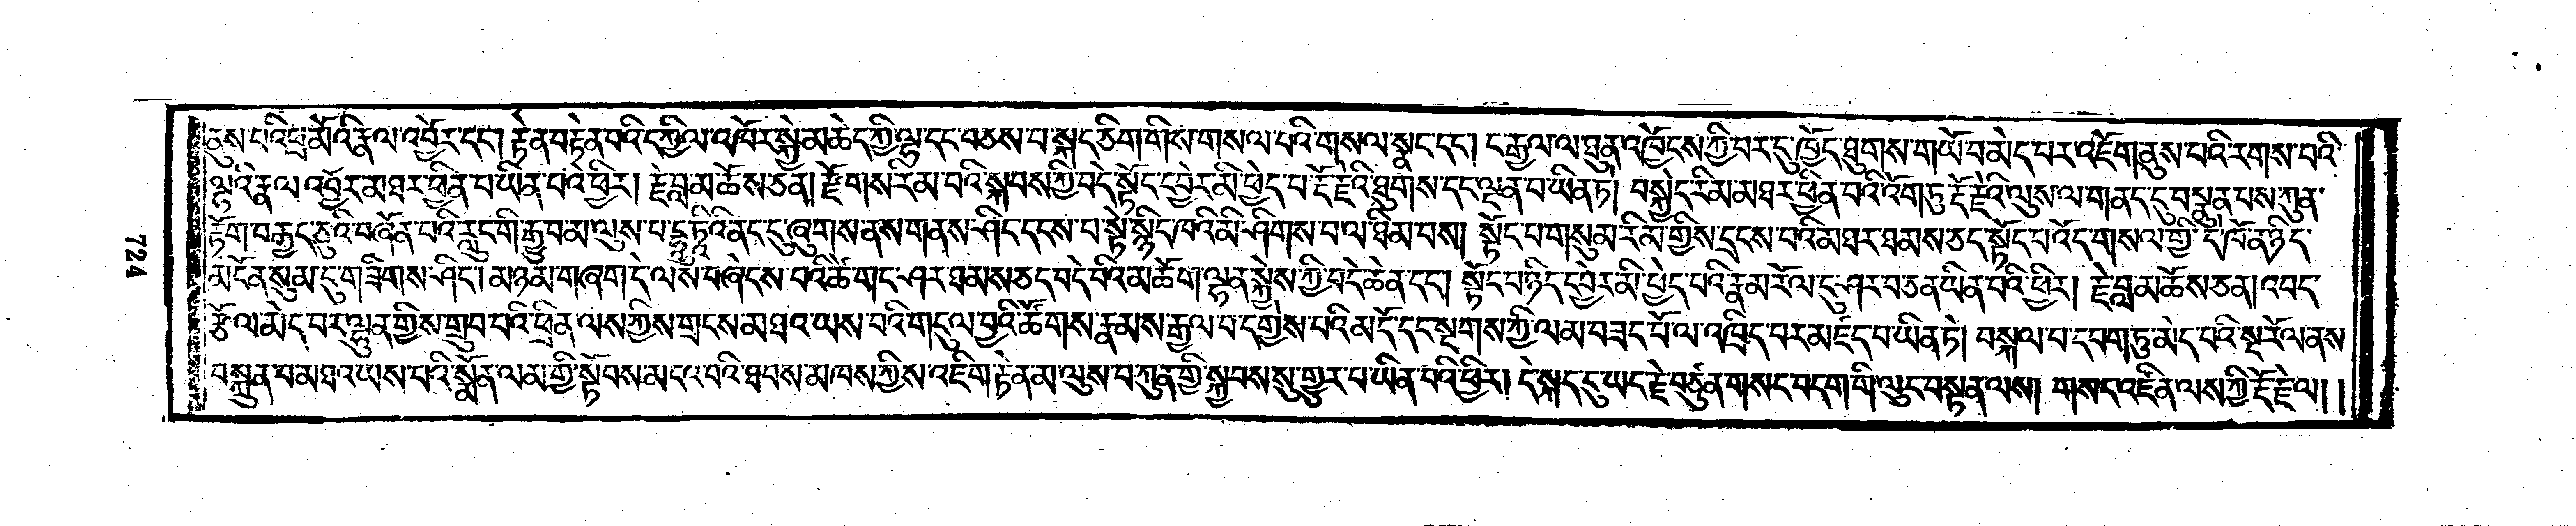ནུས་པའི་ཕྲ་མོའི་རྣལ་འབྱོར་དང་། རྟེན་བརྟེན་པའི་དཀྱིལ་འཁོར་སྐྱེ་མཆེད་ཀྱི་ལྷ་དང་བཅས་པ་སྐད་ཅིག་གིས་གསལ་བའི་གསལ་སྣང་དང་། ང་རྒྱལ་ལ་ཐུན་འཁྱོངས་ཀྱི་བར་དུ་ཁྱོད་ཐུགས་གཡོ་བ་མེད་པར་འཇོག་ནུས་པའི་རགས་པའི་
ལྷའི་རྣལ་འབྱོར་མཐར་ཕྱིན་པ་ཡིན་པའི་ཕྱིར། རྗེ་བླ་མ་ཆོས་ཅན། རྫོགས་རིམ་པའི་སྐབས་ཀྱི་བདེ་སྟོང་དབྱེར་མི་ཕྱེད་པ་རྡོ་རྗེའི་ཐུགས་དང་ལྡན་པ་ཡིན་ཏེ། བསྐྱེད་རིམ་མཐར་ཕྱིན་པའི་འོག་ཏུ་རྡོ་རྗེའི་ལུས་ལ་གནད་དུ་བསྣུན་པས་ཀུན་
རྟོག་བརྒྱད་ཅུའི་བཞོན་པའི་རླུང་གི་རྒྱུ་བ་མ་ལུས་པ་དྷཱུ་ཏཱིའི་ནང་དུ་ཞུགས་ནས་གནས་ཤིང་དངོས་པོ་སྟེ་སྙིང་ཁའི་མི་ཤིགས་པ་ལ་ཐིམ་པས། སྟོང་པ་གསུམ་རིམ་གྱིས་དྲངས་པའི་མཐར་ཐམས་ཅད་སྟོང་པ་འོད་གསལ་གྱི་དེ་ཁོ་ན་ཉིད་
མངོན་སུམ་དུ་གཟིགས་ཤིང་། མཉམ་གཞག་དེ་ལས་བཞེངས་པའི་ཚེ་གང་ཤར་ཐམས་ཅད་བདེ་བའི་མཆོག་ལྷན་སྐྱེས་ཀྱི་བདེ་ཆེན་དང་། སྟོང་པ་ཉིད་དབྱེར་མི་ཕྱེད་པའི་རྣམ་རོལ་དུ་ཤར་བ་ཅན་ཡིན་པའི་ཕྱིར། རྗེ་བླ་མ་ཆོས་ཅན། འབད་
རྩོལ་མེད་པར་ལྷུན་གྱིས་གྲུབ་པའི་ཕྲིན་ལས་ཀྱིས་གྲངས་མཐའ་ཡས་པའི་གདུལ་བྱའི་ཚོགས་རྣམས་རྒྱལ་བ་དགྱེས་པའི་མདོ་དང་སྔགས་ཀྱི་ལམ་བཟང་པོ་ལ་འཁྲིད་པར་མཛད་པ་ཡིན་ཏེ། བསྐལ་པ་དཔག་ཏུ་མེད་པའི་སྔ་རོལ་ནས་
བསྐྲུན་པ་མཐའ་ཡས་པའི་སྨོན་ལམ་གྱི་སྟོབས་མངའ་བའི་ཐབས་མཁས་ཀྱིས་འཇིག་རྟེན་མ་ལུས་པ་ཀུན་གྱི་སྐྱབས་སུ་གྱུར་པ་ཡིན་པའི་ཕྱིར། དེ་སྐད་དུ་ཡང་རྗེ་བཙུན་གསང་བདག་གི་ལུང་བསྟན་ལས། གསང་འཛིན་ལས་ཀྱི་རྡོ་རྗེ་ལ། །